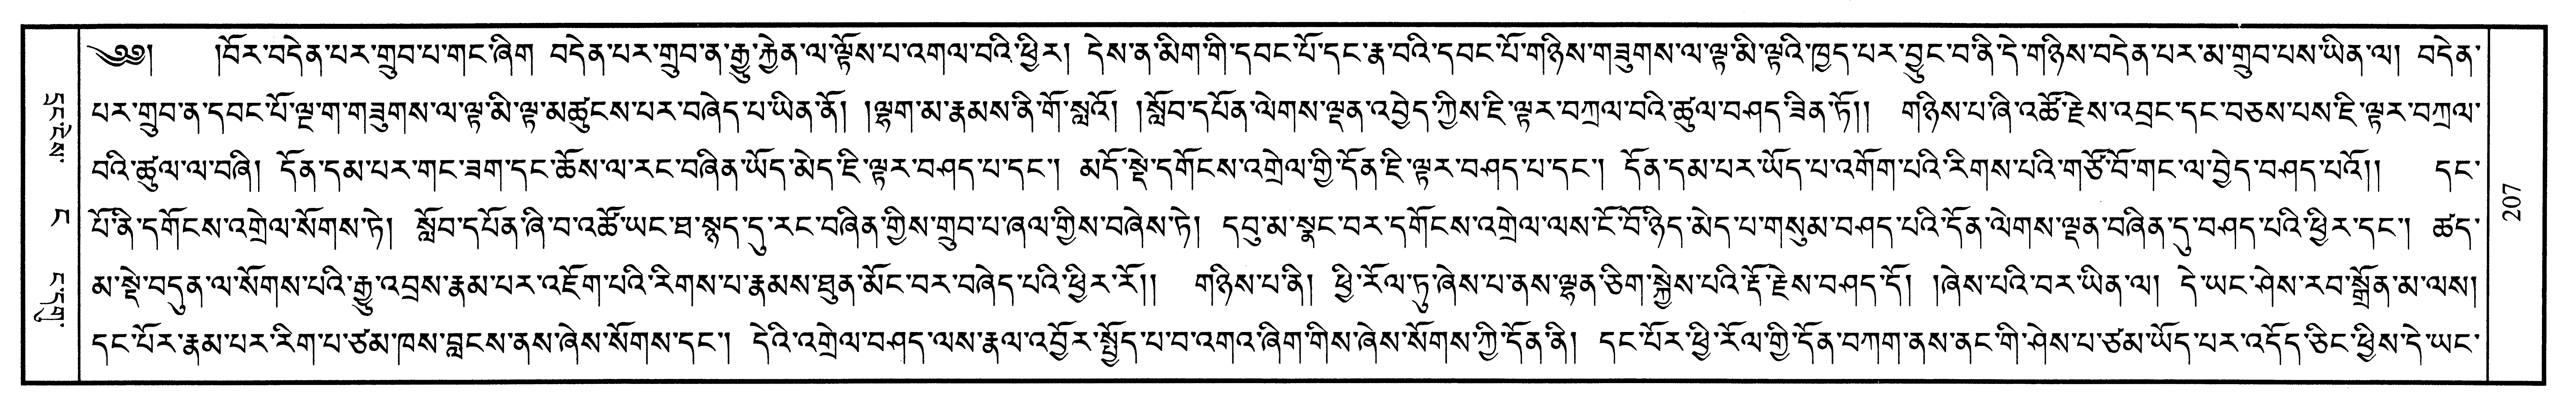༄༅། །བོར་བདེན་པར་གྲུབ་པ་གང་ཞིག་བདེན་པར་གྲུབ་ན་རྒྱུ་རྐྱེན་ལ་ལྟོས་པ་འགལ་བའི་ཕྱིར། དེས་ན་མིག་གི་དབང་པོ་དང་རྣ་བའི་དབང་པོ་གཉིས་གཟུགས་ལ་ལྟ་མི་ལྟའི་ཁྱད་པར་བྱུང་བ་ནི་དེ་གཉིས་བདེན་པར་མ་གྲུབ་པས་ཡིན་ལ། བདེན་
པར་གྲུབ་ན་དབང་པོ་ལྔ་ག་གཟུགས་ལ་ལྟ་མི་ལྟ་མཚུངས་པར་བཞེད་པ་ཡིན་ནོ། །ལྷག་མ་རྣམས་ནི་གོ་སླའོ། །སློབ་དཔོན་ལེགས་ལྡན་འབྱེད་ཀྱིས་ཇི་ལྟར་བཀྲལ་བའི་ཚུལ་བཤད་ཟིན་ཏོ།། གཉིས་པ་ཞི་འཚོ་རྗེས་འབྲང་དང་བཅས་པས་ཇི་ལྟར་བཀྲལ་
བའི་ཚུལ་ལ་བཞི། དོན་དམ་པར་གང་ཟག་དང་ཆོས་ལ་རང་བཞིན་ཡོད་མེད་ཇི་ལྟར་བཤད་པ་དང་། མདོ་སྡེ་དགོངས་འགྲེལ་གྱི་དོན་ཇི་ལྟར་བཤད་པ་དང་། དོན་དམ་པར་ཡོད་པ་འགོག་པའི་རིགས་པའི་གཙོ་བོ་གང་ལ་བྱེད་བཤད་པའོ།། དང་
པོ་ནི་དགོངས་འགྲེལ་སོགས་ཏེ། སློབ་དཔོན་ཞི་བ་འཚོ་ཡང་ཐ་སྙད་དུ་རང་བཞིན་གྱིས་གྲུབ་པ་ཞལ་གྱིས་བཞེས་ཏེ། དབུ་མ་སྣང་བར་དགོངས་འགྲེལ་ལས་ངོ་བོ་ཉིད་མེད་པ་གསུམ་བཤད་པའི་དོན་ལེགས་ལྡན་བཞིན་དུ་བཤད་པའི་ཕྱིར་དང་། ཚད་
མ་སྡེ་བདུན་ལ་སོགས་པའི་རྒྱུ་འབྲས་རྣམ་པར་འཇོག་པའི་རིགས་པ་རྣམས་ཐུན་མོང་བར་བཞེད་པའི་ཕྱིར་རོ།། གཉིས་པ་ནི། ཕྱི་རོལ་ཏུ་ཞེས་པ་ནས་ལྷན་ཅིག་སྐྱེས་པའི་རྡོ་རྗེས་བཤད་དོ། །ཞེས་པའི་བར་ཡིན་ལ། དེ་ཡང་ཤེས་རབ་སྒྲོན་མ་ལས།
དང་པོར་རྣམ་པར་རིག་པ་ཙམ་ཁས་བླངས་ནས་ཞེས་སོགས་དང་། དེའི་འགྲེལ་བཤད་ལས་རྣལ་འབྱོར་སྤྱོད་པ་བ་འགའ་ཞིག་གིས་ཞེས་སོགས་ཀྱི་དོན་ནི། དང་པོར་ཕྱི་རོལ་གྱི་དོན་བཀག་ནས་ནང་གི་ཤེས་པ་ཙམ་ཡོད་པར་འདོད་ཅིང་ཕྱིས་དེ་ཡང་